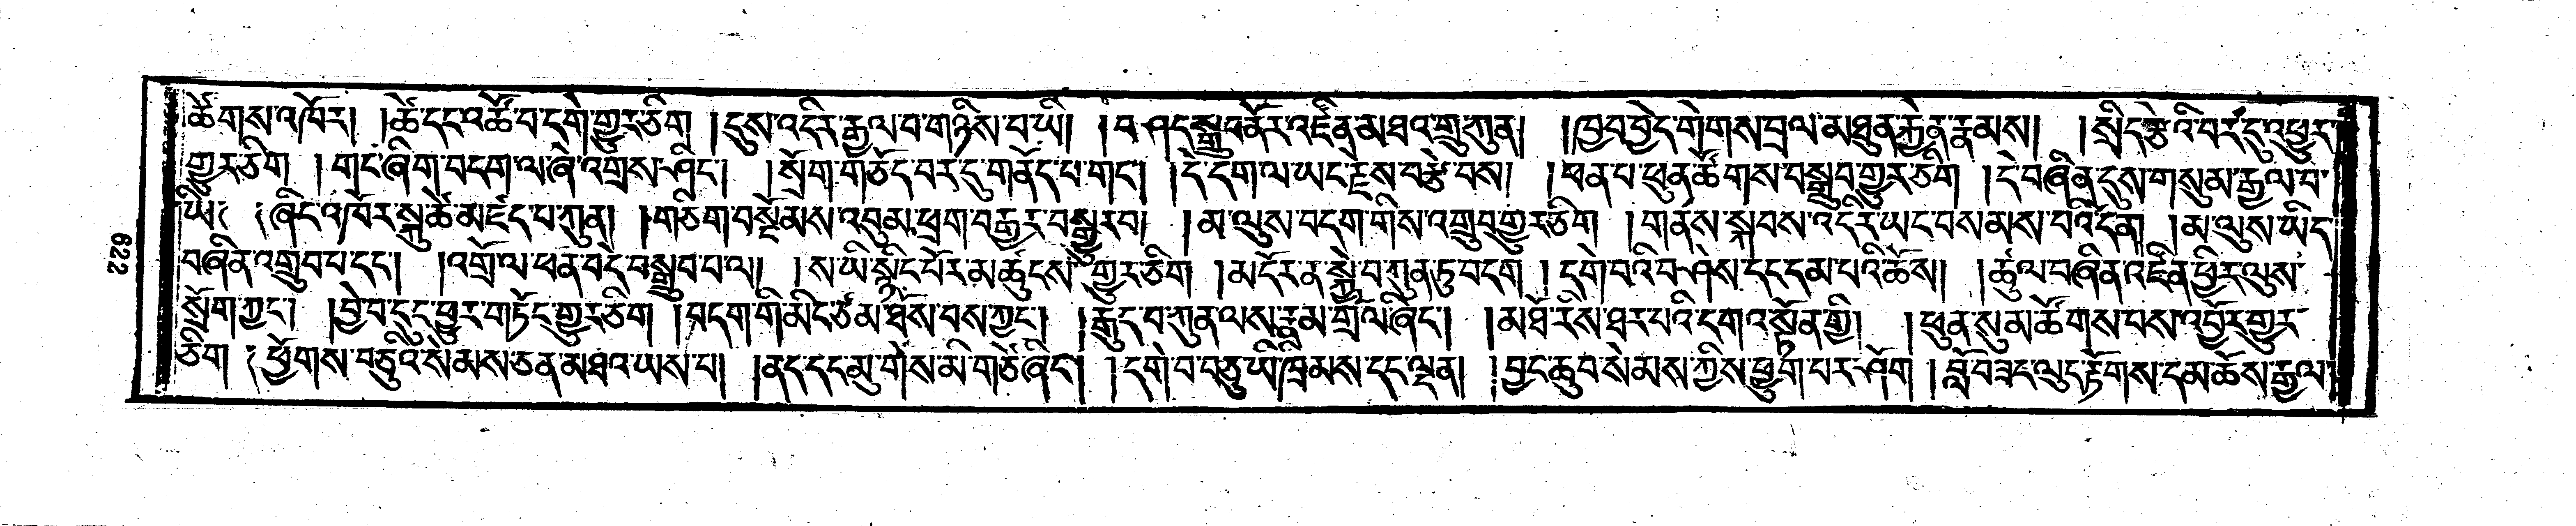ཚོགས་འཁོར། །ཚེ་དང་འཚོ་བ་དགེ་གྱུར་ཅིག །དུས་འདིར་རྒྱལ་བ་གཉིས་པ་ཡི། །བཤད་སྒྲུབ་ནོར་འཛིན་མཐའ་གྲུ་ཀུན། །ཁྱབ་བྱེད་གེགས་བྲལ་མཐུན་རྐྱེན་རྣམས། །སྲིད་རྩེའི་བར་དུ་འཕྱུར་
གྱུར་ཅིག །གང་ཞིག་བདག་ལ་ཞེ་འགྲས་ཤིང་། །སྲོག་གཅོད་བར་དུ་གནོད་པ་གང་། །དེ་དག་ལ་ཡང་རྗེས་བརྩེ་བས། །ཕན་པ་ཕུན་ཚོགས་བསྒྲུབ་གྱུར་ཅིག །དེ་བཞིན་དུས་གསུམ་རྒྱལ་བ་
ཡི༑ ༑ཞིང་འཁོར་སྐུ་ཚེ་མཛད་པ་ཀུན། །གཅིག་བསྡོམས་འབུམ་ཕྲག་བརྒྱར་བསྒྱུར་བ། །མ་ལུས་བདག་གིས་འགྲུབ་གྱུར་ཅིག །གནས་སྐབས་འདིར་ཡང་བསམས་པའི་དོན། །མ་ལུས་ཡིད་
བཞིན་འགྲུབ་པ་དང་། །འགྲོ་ལ་ཕན་བདེ་བསྒྲུབ་པ་ལ། །ས་ཡི་སྙིང་པོར་མཚུངས་གྱུར་ཅིག །མདོར་ན་སྐྱེ་བ་ཀུན་ཏུ་བདག །དགེ་བའི་བཤེས་དང་དམ་པའི་ཆོས། །ཚུལ་བཞིན་འཛིན་ཕྱིར་ལུས་
སྲོག་ཀྱང་། །བྱེ་བ་དུང་ཕྱུར་གཏོང་གྱུར་ཅིག །བདག་གི་མིང་ཙམ་ཐོས་པས་ཀྱང་། །རྒུད་པ་ཀུན་ལས་རྣམ་གྲོལ་ཞིང་། །མཐོ་རིས་ཐར་པའི་དགའ་སྟོན་གྱི། །ཕུན་སུམ་ཚོགས་པས་འབྱོར་གྱུར་
ཅིག ༑ཕྱོགས་བཅུའི་སེམས་ཅན་མཐའ་ཡས་པ། །ནད་དང་མུ་གེས་མི་གཙེ་ཞིང་། །དགེ་བ་བཅུ་ཡི་ཁྲིམས་དང་ལྡན། །བྱང་ཆུབ་སེམས་ཀྱིས་ཕྱུག་པར་ཤོག །བློ་བཟང་ལུང་རྟོགས་དམ་ཆོས་རྒྱལ་